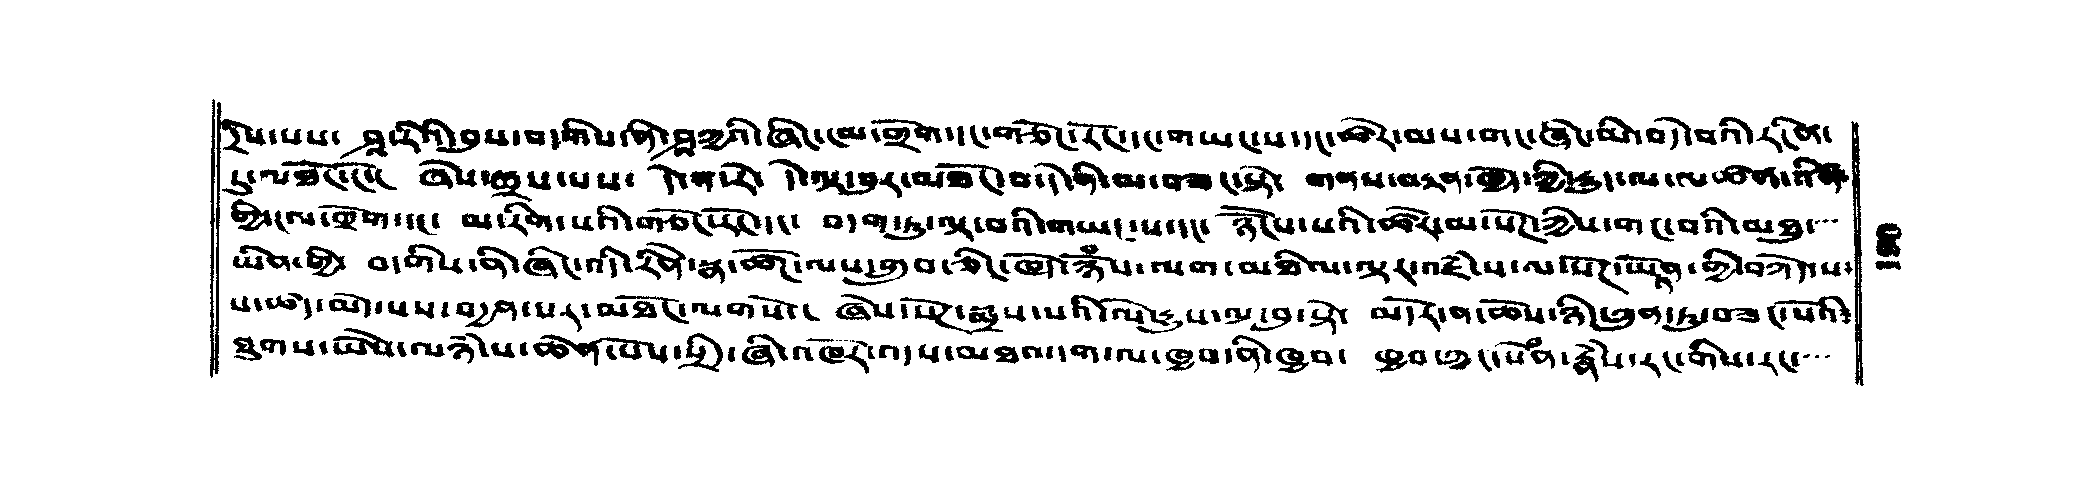དྲིསཔ་ས། ཤཱཔརྀའིཔབུསཔབདགཔགིསཔནིཔཤཱཀྱའིཔཞིངཔངམཔགྲོགཔདངཔགཅོངཔརོངཔདངཔགཡངཔསཔདངཔཚེརཔམསཔགངཔཞིངཔམིཔབདེཔབའིཔརངཔབཞིན
པདུཔམཐོངཔངོཔ། དེཔནཔརེ། དེཔལྟཔབུརཔམཐོངཔབཔདེཔནིཔམཔབཟངཔསྟེ། གནསཔབརྟནཔཁྱོདཔཀྱིཔརྒྱུདཔལཔམཚནཔའཛིནཔ
གྱིཔངམཔགྲོགཔདངཔ། མཔརིགཔ་འིཔགཅོངཔརོངཔདངཔ། བདགཔཏཔལྟཔབའིཔགཡངཔསཔདངཔ། ཉོནཔམོངསཔ་འིཔཚེརཔམཔསོགསཔཀྱིཔགངཔབའིཔམཐུཔ
ཡིནཔགྱི། བདགཔགིསཔནིཔཞིངཔའདིཔརིནཔཆེནཔསྣཔཚོགསཔལསཔགྲུབཔཅིངཔཁོདཔསྙོམསཔལགཔམཐིལཔལྟརཔའཇམཔ་པལཔསོགསཔཡོནཔཏནཔགྱིཔབཀོདཔ་
པཚདཔམེདཔ་སཔབརྒྱནཔ་རཔམཐོངཔལགསཔསོ། ཞེསཔསོགསཔསྨྲསཔ་འིཔལོཔརྒྱུསཔལྟཔབུཔསྟེ། མདོརཔནཔཆོསཔཉིདཔཀུནཔཏཔབཟངཔ་ོའིཔ
ཐུགསཔཡེཤེསཔམཉམཔ་པཆེནཔ་ོསཔསྲིདཔཞིཔའཁོརཔའདསཔམཐའཔདགཔལཔཁྱབཔནིཔཁྱབ། ཁྱབཔཀྱངཔསེམསཔཅནཔརྣམསཔརངཔགིསཔརངཔ